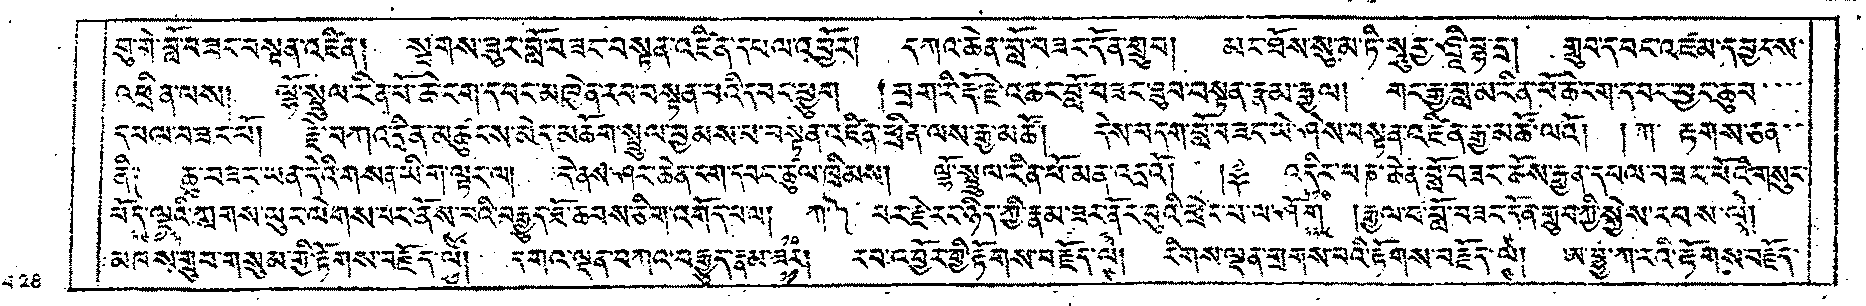གུ་གེ་བློ་བཟང་བསྟན་འཛིན། སྔགས་ཟུར་བློ་བཟང་བསྟན་འཛིན་དཔལ་འབྱོར། དཀའ་ཆེན་བློ་བཟང་དོན་གྲུབ། མང་ཐོས་སུ་མ་ཏི་སཱུརྱ་ཤྲཱི་བྷ་དྲ། གྲུབ་དབང་འཇམ་དབྱངས་
འཕྲིན་ལས། ལྷོ་སྤྲུལ་རིན་པོ་ཆེ་ངག་དབང་མཁྱེན་རབ་བསྟན་པའི་དབང་ཕྱུག །བྲག་རི་རྡོ་རྗེ་འཆང་བློ་བཟང་ཐུབ་བསྟན་རྣམ་རྒྱལ། གང་རྒྱ་བླ་མ་རིན་པོ་ཆེ་ངག་དབང་བྱང་ཆུབ་
དཔལ་བཟང་པོ། རྗེ་བཀའ་དྲིན་མཚུངས་མེད་མཆོག་སྤྲུལ་བྱམས་པ་བསྟན་འཛིན་ཕྲིན་ལས་རྒྱ་མཚོ། དེས་བདག་བློ་བཟང་ཡེ་ཤེས་བསྟན་འཛིན་རྒྱ་མཚོ་ལའོ། །ཀ་རྟགས་ཅན་
ནི༑ ཆུ་བཟང་ཡན་དེའི་གསན་ཡིག་ལྟར་ལ། དེ་ནས་ཤར་ཆེན་ངག་དབང་ཚུལ་ཁྲིམས། ལྷོ་སྤྲུལ་རིན་པོ་མན་འདྲའོ། ། ༈ འདིར་པཎ་ཆེན་བློ་བཟང་ཆོས་རྒྱན་དཔལ་བཟང་པོའི་གསུང་
པོད་ལྔའི་ཀླགས་ལུང་ལེགས་པར་ནོས་པའི་བརྒྱུད་ཐོ་ཆབས་ཅིག་འགོད་པ་ལ། ཀ྄་པར་རྗེ་རང་ཉིད་ཀྱི་རྣམ་ཐར་ནོར་བུའི་ཕྲེང་བ་ལ་ཤོག ༢༡༤ ༢༢༥་།རྒྱལ་བ་བློ་བཟང་དོན་གྲུབ་ཀྱི་སྐྱེས་རབས ༣་ལ ༣།
མཁས་གྲུབ་གསུམ་གྱི་རྟོགས་བརྗོད ༤༩་ལ ༥༡། དགའ་ལྡན་བཀའ་བརྒྱུད་རྣམ ༡༠་ཐར ༡༡། རབ་འབྱོར་གྱི་རྟོགས་བརྗོད ༣་ལ ༤། རིགས་ལྡན་གྲགས་པའི་རྟོགས་བརྗོད ༤་ལ ༤། ཨ་བྷྱ་ཀ་རའི་རྟོགས་བརྗོད་